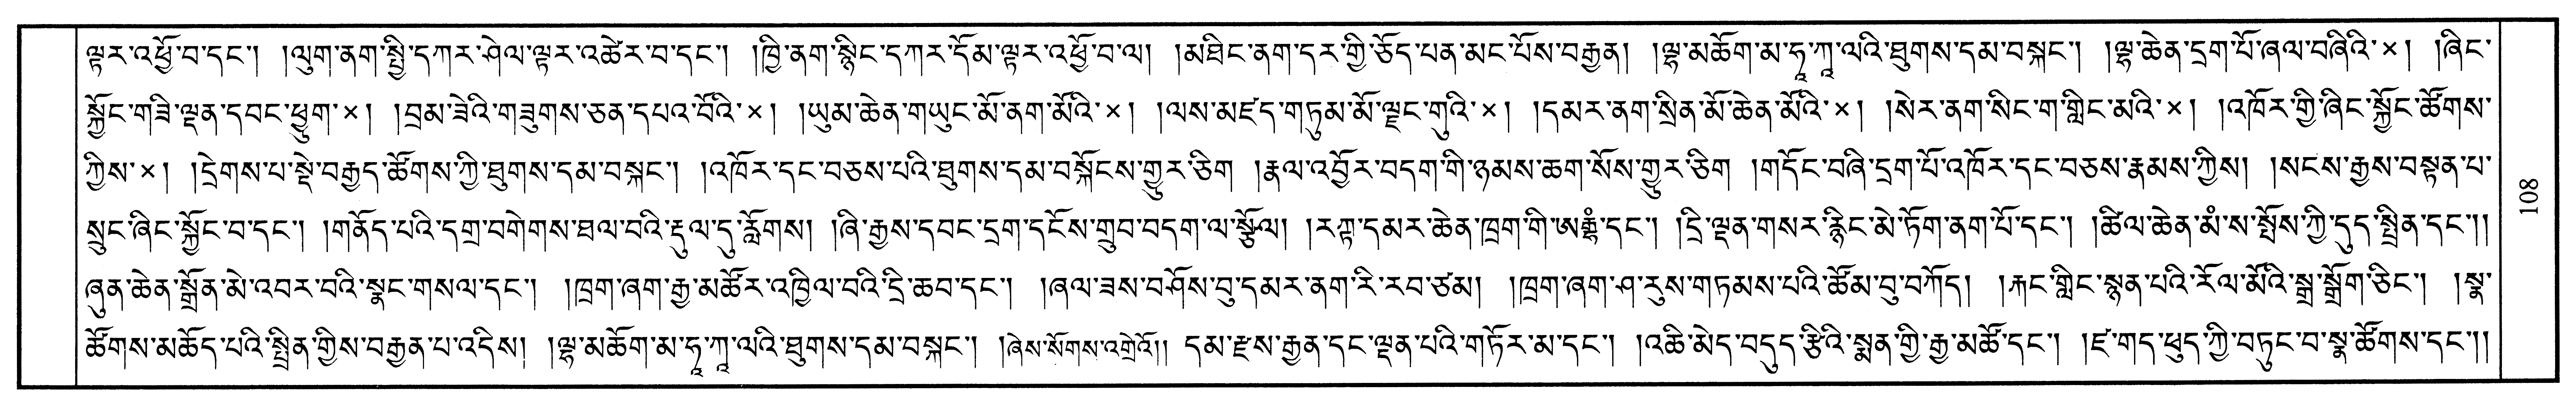ལྟར་འཕྱོ་བ་དང་། །ལུག་ནག་སྤྱི་དཀར་ཤེལ་ལྟར་འཚེར་བ་དང་། །ཁྱི་ནག་སྙིང་དཀར་དོམ་ལྟར་འཕྱོ་བ་ལ། །མཐིང་ནག་དར་གྱི་ཅོད་པཎ་མང་པོས་བརྒྱན། །ལྷ་མཆོག་མ་ཧཱ་ཀཱ་ལའི་ཐུགས་དམ་བསྐང་། །ལྷ་ཆེན་དྲག་པོ་ཞལ་བཞིའི་྾། །ཞིང་
སྐྱོང་གཟི་ལྡན་དབང་ཕྱུག་྾། །བྲམ་ཟེའི་གཟུགས་ཅན་དཔའ་བོའི་྾། །ཡུམ་ཆེན་གཡུང་མོ་ནག་མོའི་྾། །ལས་མཛད་གཏུམ་མོ་ལྗང་གུའི་྾། །དམར་ནག་སྲིན་མོ་ཆེན་མོའི་྾། །སེར་ནག་སིང་ག་གླིང་མའི་྾། །འཁོར་གྱི་ཞིང་སྐྱོང་ཚོགས་
ཀྱིས་྾། །དྲེགས་པ་སྡེ་བརྒྱད་ཚོགས་ཀྱི་ཐུགས་དམ་བསྐང་། །འཁོར་དང་བཅས་པའི་ཐུགས་དམ་བསྐོངས་གྱུར་ཅིག །རྣལ་འབྱོར་བདག་གི་ཉམས་ཆག་སོས་གྱུར་ཅིག །གདོང་བཞི་དྲག་པོ་འཁོར་དང་བཅས་རྣམས་ཀྱིས། །སངས་རྒྱས་བསྟན་པ་
སྲུང་ཞིང་སྐྱོང་བ་དང་། །གནོད་པའི་དགྲ་བགེགས་ཐལ་བའི་རྡུལ་དུ་རློགས། །ཞི་རྒྱས་དབང་དྲག་དངོས་གྲུབ་བདག་ལ་སྩོལ། །རཀྟ་དམར་ཆེན་ཁྲག་གི་ཨརྒྷཾ་དང་། །དྲི་ལྡན་གསར་རྙིང་མེ་ཏོག་ནག་པོ་དང་། །ཚིལ་ཆེན་མཾ་ས་སྤོས་ཀྱི་དུད་སྤྲིན་དང།།
ཞུན་ཆེན་སྒྲོན་མེ་འབར་བའི་སྣང་གསལ་དང་། །ཁྲག་ཞག་རྒྱ་མཚོར་འཁྱིལ་བའི་དྲི་ཆབ་དང་། །ཞལ་ཟས་བཤོས་བུ་དམར་ནག་རི་རབ་ཙམ། །ཁྲག་ཞག་ཤ་རུས་གཏམས་པའི་ཚོམ་བུ་བཀོད། །རྐང་གླིང་སྙན་པའི་རོལ་མོའི་སྒྲ་སྒྲོག་ཅིང་། །སྣ་
ཚོགས་མཆོད་པའི་སྤྲིན་གྱིས་བརྒྱན་པ་འདིས། །ལྷ་མཆོག་མ་ཧཱ་ཀཱ་ལའི་ཐུགས་དམ་བསྐང་། །ཞེས་སོགས་འགྲེའོ། །དམ་རྫས་རྒྱན་དང་ལྡན་པའི་གཏོར་མ་དང་། །འཆི་མེད་བདུད་རྩིའི་སྨན་གྱི་རྒྱ་མཚོ་དང་། །ཛ་གད་ཕུད་ཀྱི་བཏུང་བ་སྣ་ཚོགས་དང།།